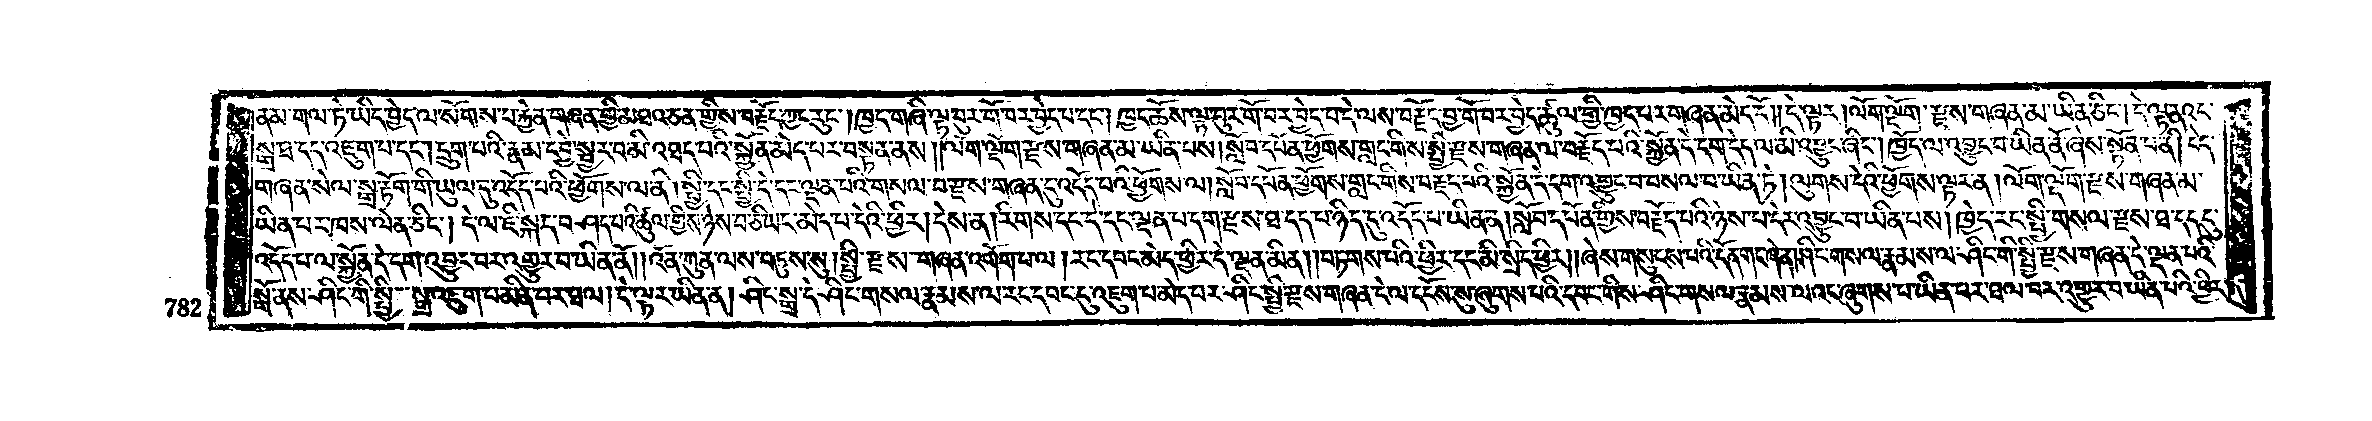ནམ་གལ་ཏེ་ཡིད་བྱེད་ལ་སོགས་པ་རྐྱེན་གཞན་གྱི་མཐའ་ཅན་གྱིས་བརྗོད་ཀྱང་རུང་། ཁྱད་གཞི་ལྟ་བུར་གོ་བར་བྱེད་པ་དང་། ཁྱད་ཆོས་ལྟ་བུར་གོ་བར་བྱེད་པ་དེ་ལས་བརྗོད་བྱ་གོ་བར་བྱེད་ཚུལ་གྱི་ཁྱད་པར་གཞན་མེད་དོ། །དེ་ལྟར། ལོག་ལྡོག་རྫས་གཞན་མ་ཡིན་ཅིང་། དེ་ལྟ་ནའང་
སྒྲ་ཐ་དད་འཇུག་པ་དང་། དྲུག་པའི་རྣམ་དབྱེ་སྦྱར་བ་མི་འཐད་པའི་སྐྱོན་མེད་པར་བསྟན་ནས། །ལོག་ལྡོག་རྫས་གཞན་མ་ཡིན་པས། སློབ་དཔོན་ཕྱོགས་གླང་གིས་སྤྱི་རྫས་གཞན་ལ་བརྗོད་པའི་སྐྱོན་དེ་དག་དེད་ལ་མི་འབྱུང་ཞིང་། ཁྱོད་ལ་འབྱུང་བ་ཡིན་ནོ་ཞེས་སྟོན་པ་ནི། བདེ་
གཞན་སེལ་སྒྲ་རྟོག་གི་ཡུལ་དུ་འདོད་པའི་ཕྱོགས་ལ་ནི། སྤྱི་དང་སྤྱི་དེ་དང་ལྡན་པའི་གསལ་བ་རྫས་གཞན་དུ་འདོད་པའི་ཕྱོགས་ལ། སློབ་དཔོན་ཕྱོགས་གླང་གིས་བརྗོད་པའི་སྐྱོན་དེ་དག་འབྱུང་བ་བསལ་བ་ཡིན་ཏེ། ལུགས་དེའི་ཕྱོགས་ལྟར་ན། ལོག་ལྡོག་རྫས་གཞན་མ་
ཡིན་པར་ཁས་ལེན་ཅིང་། དེ་ལ་ཇི་སྐད་བཤད་པའི་ཚུལ་གྱིས་ཉེས་པ་ཅི་ཡང་མེད་པ་དེའི་ཕྱིར། དེས་ན། རིགས་དང་དེ་དང་ལྡན་པ་དག་རྫས་ཐ་དད་པ་ཉིད་དུ་འདོད་པ་ཡིན་ན། སློབ་དཔོན་གྱིས་བརྗོད་པའི་ཉེས་པ་དེར་འབྱུང་བ་ཡིན་པས། ཁྱེད་རང་སྤྱི་གསལ་རྫས་ཐ་དད་དུ་
འདོད་པ་ལ་སྐྱོན་དེ་དག་འབྱུང་བར་འགྱུར་བ་ཡིན་ནོ། །འོ་ན་ཀུན་ལས་བཏུས་སུ། སྤྱི་རྫས་གཞན་འགོག་པ་ལ། རང་དབང་མེད་ཕྱིར་དེ་ལྡན་མིན། །བཏགས་པའི་ཕྱིར་དང་མི་སྲིད་ཕྱིར། །ཞེས་གསུངས་པའི་དོན་གང་ཞེ་ན། ཤིང་གསལ་རྣམས་ལ་ཤིང་གི་སྤྱི་རྫས་གཞན་དེ་ལྡན་པའི་
སྒོ་ནས་ཤིང་གི་སྤྱི་སྒྲ་འཇུག་པ་མིན་པར་ཐལ། དེ་ལྟར་ཡིན་ན། ཤིང་སྒྲ་དེ་ཤིང་གསལ་རྣམས་ལ་རང་དབང་དུ་འཇུག་པ་མེད་པར་ཤིང་སྤྱི་རྫས་གཞན་དེ་ལ་དངོས་སུ་ཞུགས་པའི་དབང་གིས་ཤིང་གསལ་རྣམས་ལའང་ཞུགས་པ་ཡིན་པར་ཐལ་བར་འགྱུར་བ་ཡིན་པའི་ཕྱིར་